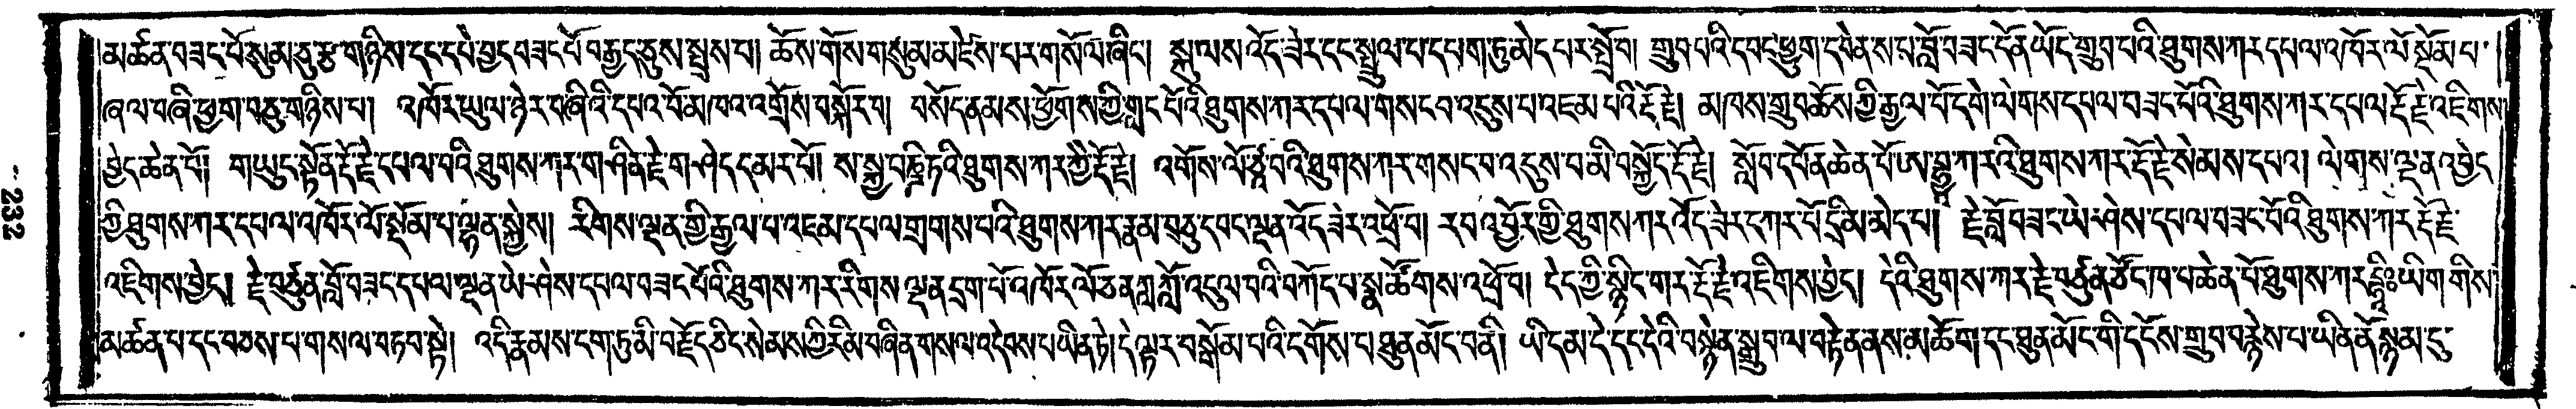མཚན་བཟང་པོ་སུམ་ཅུ་རྩ་གཉིས་དང་དཔེ་བྱད་བཟང་པོ་བརྒྱད་ཅུས་སྤྲས་པ། ཆོས་གོས་གསུམ་མཛེས་པར་གསོལ་ཞིང་། སྐུ་ལས་འོད་ཟེར་དང་སྤྲུལ་པ་དཔག་ཏུ་མེད་པར་སྤྲོ་བ། གྲུབ་པའི་དབང་ཕྱུག་དབེན་ས་པ་བློ་བཟང་དོན་ཡོད་གྲུབ་པའི་ཐུགས་ཀར་དཔལ་འཁོར་ལོ་སྡོམ་པ་
ཞལ་བཞི་ཕྱག་བཅུ་གཉིས་པ། འཁོར་ཡུལ་ཉེར་བཞིའི་དཔའ་བོ་མཁའ་འགྲོས་བསྐོར་བ། བསོད་ནམས་ཕྱོགས་ཀྱི་གླང་པོའི་ཐུགས་ཀར་དཔལ་གསང་བ་འདུས་པ་འཇམ་པའི་རྡོ་རྗེ། མཁས་གྲུབ་ཆོས་ཀྱི་རྒྱལ་པོ་དགེ་ལེགས་དཔལ་བཟང་པོའི་ཐུགས་ཀར་དཔལ་རྡོ་རྗེ་འཇིགས་
བྱེད་ཆེན་པོ། གཡུང་སྟོན་རྡོ་རྗེ་དཔལ་བའི་ཐུགས་ཀར་གཤིན་རྗེ་གཤེད་དམར་པོ། ས་སྐྱ་པཎྜི་ཏའི་ཐུགས་ཀར་ཀྱཻ་རྡོ་རྗེ། འགོས་ལོ་ཙཱ་བའི་ཐུགས་ཀར་གསང་བ་འདུས་པ་མི་བསྐྱོད་རྡོ་རྗེ། སློབ་དཔོན་ཆེན་པོ་ཨ་བྷྱཱ་ཀ་རའི་ཐུགས་ཀར་རྡོ་རྗེ་སེམས་དཔའ། ལེགས་ལྡན་འབྱེད་
ཀྱི་ཐུགས་ཀར་དཔལ་འཁོར་ལོ་སྡོམ་པ་ལྷན་སྐྱེས། རིགས་ལྡན་གྱི་རྒྱལ་པ་འཇམ་དཔལ་གྲགས་པའི་ཐུགས་ཀར་རྣམ་བཅུ་དབང་ལྡན་འོད་ཟེར་འཕྲོ་བ། རབ་འབྱོར་གྱི་ཐུགས་ཀར་འོད་ཟེར་དཀར་པོ་དྲི་མ་མེད་པ། རྗེ་བློ་བཟང་ཡེ་ཤེས་དཔལ་བཟང་པོའི་ཐུགས་ཀར་རྡོ་རྗེ་
འཇིགས་བྱེད། རྗེ་བཙུན་བློ་བཟང་དཔལ་ལྡན་ཡེ་ཤེས་དཔལ་བཟང་པོའི་ཐུགས་ཀར་རིགས་ལྡན་དྲག་པོ་འཁོར་ལོ་ཅན་ཀླ་ཀློ་འདུལ་བའི་བཀོད་པ་སྣ་ཚོགས་འཕྲོ་བ། དེད་ཀྱི་སྙིང་གར་རྡོ་རྗེ་འཇིགས་བྱེད། དེའི་ཐུགས་ཀར་རྗེ་བཙུན་ཙོང་ཁ་པ་ཆེན་པོ་ཐུགས་ཀར་དྷཱིཿ ཡིག་གིས་
མཚན་པ་དང་བཅས་པ་གསལ་བཏབ་སྟེ། འདི་རྣམས་ངག་ཏུ་མི་བརྗོད་ཅིང་སེམས་ཀྱི་རིམ་བཞིན་གསལ་འདེབས་པ་ཡིན་ཏེ། དེ་ལྟར་བསྒོམ་པའི་དགོས་པ་ཐུན་མོང་བ་ནི། ཡི་དམ་དེ་དང་དེའི་བསྙེན་སྒྲུབ་ལ་བརྟེན་ནས་མཆོག་དང་ཐུན་མོང་གི་དངོས་གྲུབ་བརྙེས་པ་ཡིན་ནོ་སྙམ་དུ་